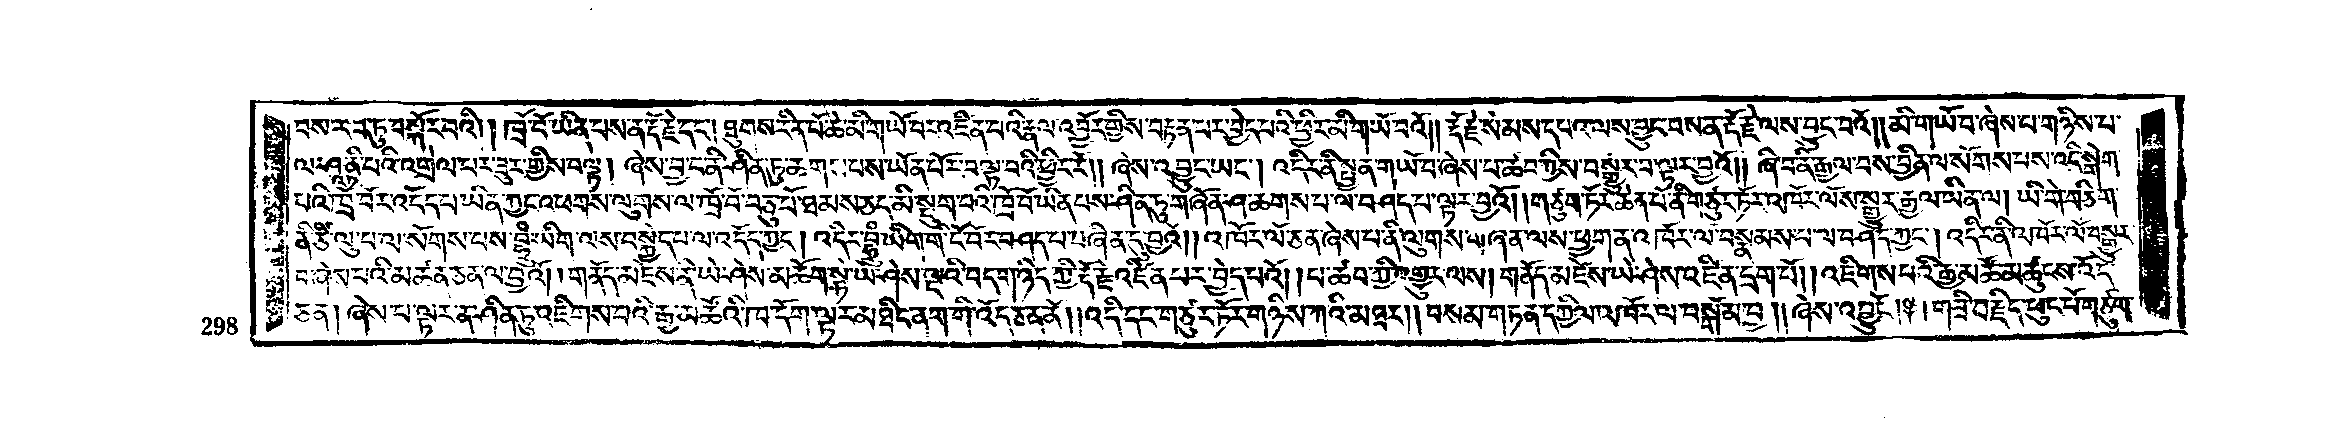བས་རབ་ཏུ་བསྐོར་བའོ། །ཁྲོ་བོ་ཡིན་པས་ན་རྡོ་རྗེ་དང་། ཐུགས་རིན་པོ་ཆེ་མི་གཡོ་བར་འཛིན་པའི་རྣལ་འབྱོར་གྱིས་བརྟན་པར་བྱེད་པའི་ཕྱིར་མི་གཡོ་བའོ། །རྡོ་རྗེ་སེམས་དཔའ་ལས་བྱུང་བས་ན་རྡོ་རྗེ་ལས་བྱུང་བའོ། །མི་གཡོ་བ་ཞེས་པ་གཉིས་པ་
ལ་ཤཱནྟི་པའི་འགྲེལ་པར་ཟུར་གྱིས་བལྟ། ཞེས་བྱ་བ་ནི་ཤིན་ཏུ་ཆགས་པས་ཡོན་པོར་བལྟ་བའི་ཕྱིར་རོ། །ཞེས་འབྱུང་ཡང་། འདིར་ནི་སྤྱན་གཡོ་བ་ཞེས་པ་ཚབ་ཀྱིས་བསྒྱུར་བ་ལྟར་བྱའོ། །ཞི་བ་ནི་རྒྱལ་བས་བྱིན་ལ་སོགས་པས་འདི་སྒེག་
པའི་ཁྲོ་བོར་འདོད་པ་ཡིན་ཀྱང་འཕགས་ལུགས་ལ་ཁྲོ་བོ་བཅུ་པོ་ཐམས་ཅད་མི་སྡུག་པའི་ཁྲོ་བོ་ཡིན་པས་ཤིན་ཏུ་གཞོན་ཤ་ཆགས་པ་ལ་བཤད་པ་ལྟར་བྱའོ། །གཙུག་ཏོར་ཆེན་པོ་ནི་གཙུར་ཏོར་འཁོར་ལོས་སྒྱུར་རྒྱལ་ཡིན་ལ། ཡི་གེ་གཅིག་
ནི་ཙི་ལུ་པ་ལ་སོགས་པས་བྷྲུཾ་ཡིག་ལས་བསྐྱེད་པ་ལ་འདོད་ཀྱང་། འདིར་བྷྲུཾ་ཡིག་གི་ངོ་བོར་བཤད་པ་བཞིན་དུ་བྱའོ། །འཁོར་ལོ་ཅན་ཞེས་པ་ནི་ལུགས་གཞན་ལས་ཕྱག་ན་འཁོར་ལོ་བསྣམས་པ་ལ་བཤད་ཀྱང་། འདིར་ནི་འཁོར་ལོ་བསྒྱུར་
བ་ཞེས་པའི་མཚན་ཅན་ལ་བྱའོ། །གནོད་མཛེས་ནི་ཡེ་ཤེས་མཆོག་སྟེ་ཡེ་ཤེས་ལྔའི་བདག་ཉིད་ཀྱི་རྡོ་རྗེ་འཛིན་པར་བྱེད་པའོ། །པ་ཚབ་ཀྱི་འགྱུར་ལས། གནོད་མཛེས་ཡེ་ཤེས་འཛིན་དྲག་པོ། །འཇིགས་པའི་རྒྱ་མཚོ་མཚུངས་འོད་
ཅན། ཞེས་པ་ལྟར་ན་ཤིན་ཏུ་འཇིགས་པའི་རྒྱ་མཚོའི་ཁ་དག་ལྟར་མཐིང་ནག་གི་འོད་ཅན་ནོ། །འདི་དང་གཙུར་ཏོར་གཉིས་ཀའི་མཐར། །བསམ་གཏན་དཀྱིལ་འཁོར་ལ་བསྒོམ་བྱ། །ཞེས་འབྱུང་ངོ། ༈ །གཟི་བརྗིད་ཕུང་པོ་གཙུག་